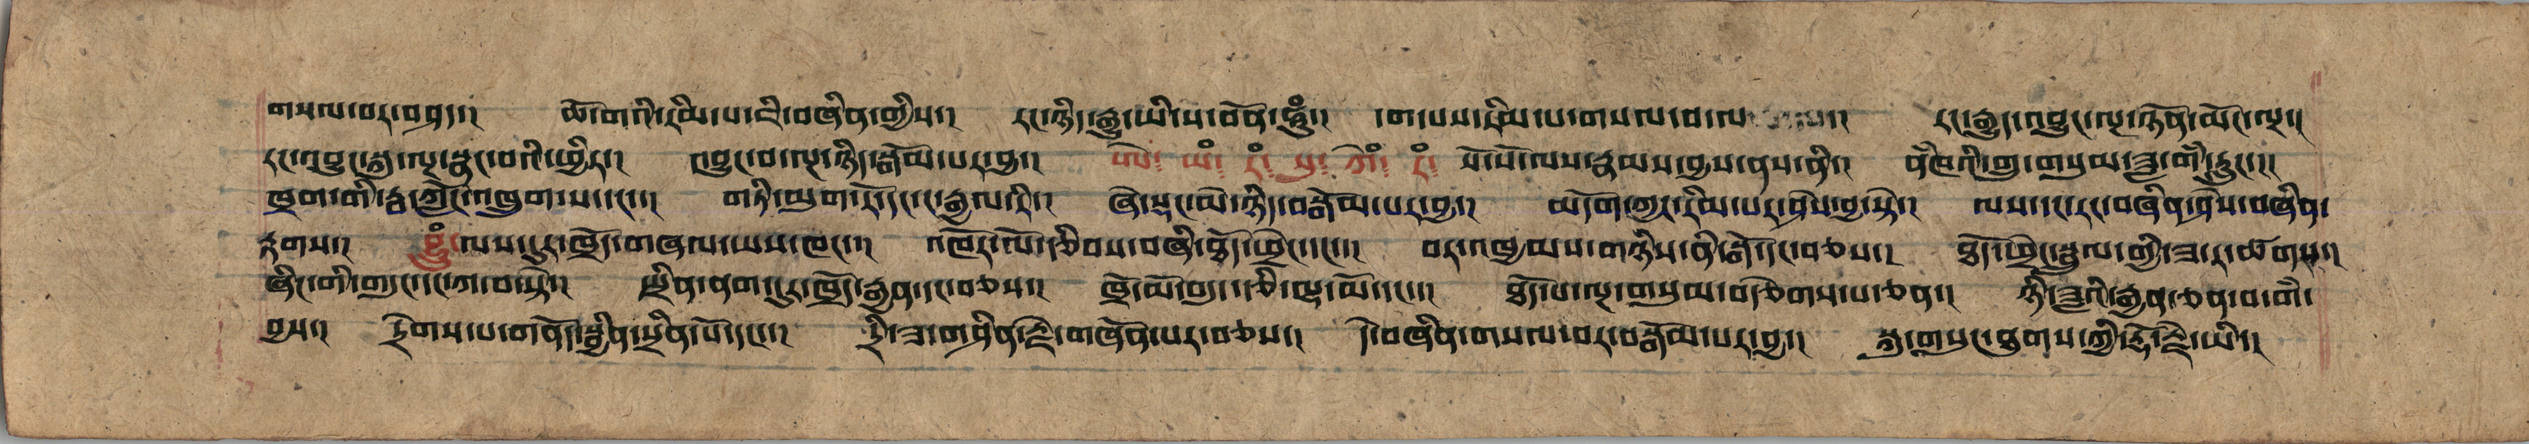གསལ་བར་བཤད་། ཆོ་གའི་རིམ་པ་ཇི་བཞིན་གྱིས་། རང་ཉིད་རྒྱུ་ཡི་ས་བོན་ཧཱུཾ་། དག་པས་རིམ་པ་གསལ་བ་ལ་། རང་རྒྱུད་འབྱུང་ལྔ་ཉོན་མོང་ལྔ་།
རང་བྱུང་སྐུ་ལྔ་སྣང་བའི་ཕྱིར་། འབྱུང་བ་ལྔ་ཉིད་སྒོམ་པར་བྱ་། ཨེ༴ ཡཾ༴ རཾ༴ སུ༴ ཀེཾ༴ རཾ༴ སོ་སོ་ལས་རྣམས་བྱས་ནས་ནི་། ནཾཁའི་གྲུ་གསུམ་ཟླ་གཾ་རླུང་།།།
ཁྲག་གི་རྦ་ཀློང་འཁྲུག་པ་དང་་། གཏི་མུག་རོ་དང་ང་རྒྱལ་རི་། ཞེ་སྡང་མེ་ཉིད་བསྒོམ་པར་བྱ། མདོག་ཀྱང་རིམ་པར་ཤེས་བྱ་སྟེ་། ལས་དང་རང་བཞིན་ཤེས་བཞིན་
རྟགས་། བྷྲུཾ་ལས་དུར་ཁྲོད་གཞལ་ཡས་ཁང་་། འཁོར་ལོ་རྩིབས་བཞི་ཐོད་ཕྲེང་དང་་། བར་འཁྱམས་གཉིས་ནི་སྒོ་དང་བཅས་། ཐོད་ཕྲེང་སྦྲུལ་གྱི་ཟ་ར་ཚགས་།
ཞིང་གི་གདུང་དང་ཀ་བ་སྟེ་། སྤྲིན་ནག་དུར་ཁྲོད་རྒྱན་དང་བཅས་། ཁྲོ་མོ་བདུད་རྩི་ལྷ་མོ་དང་་། ཐོད་པ་ལྔ་གསུམ་བརྩེགས་པ་ཅན་། ཉི་ཟླའི་རྒྱན་ཅན་བ་གཾ་
བྱས་། དྲེགས་པ་གནོད་སྦྱིན་སྲིན་པོ་དང་་། དྲི་ཟ་གཤིན་རྗེ་གཞོན་པར་བཅས་། དེ་བཞིན་གསལ་བར་བསྒོམ་པར་བྱ་། སྐུ་གསུང་ཐུགས་ཀྱི་རྡོ་རྗེ་ཡི་།་